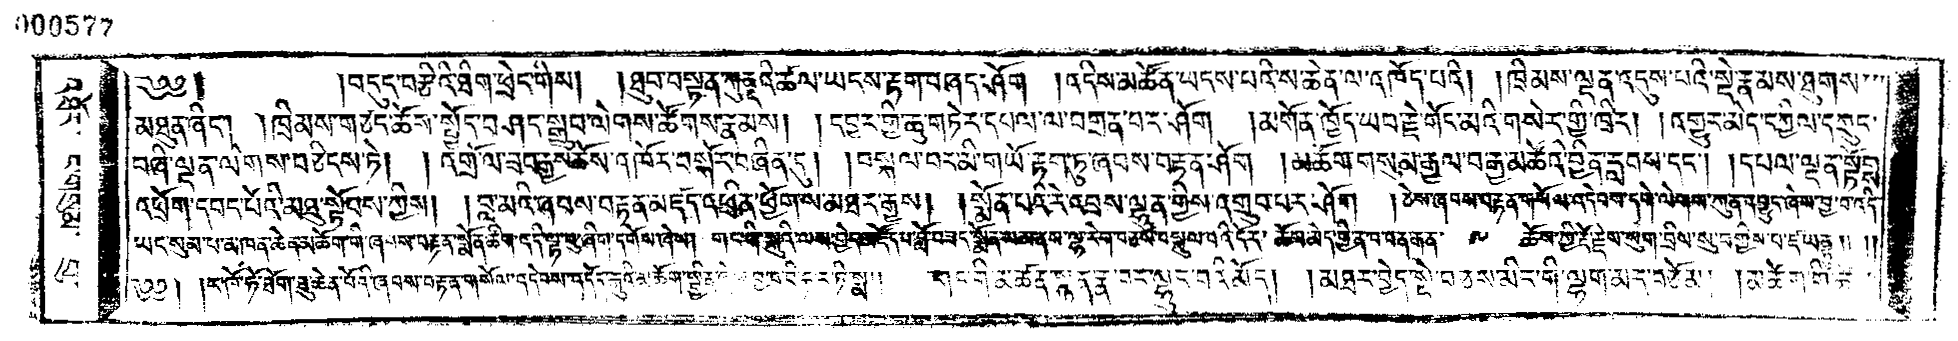༄༅། །བདུད་བརྩིའི་ཐིག་ཕྲེང་གིས། །ཐུབ་བསྟན་ཀུནྡའི་ཚལ་ཡངས་རྟག་བཞད་ཤོག །འདིས་མཚོན་ཡངས་པའི་ས་ཆེན་ལ་འཁོད་པའི། །ཁྲིམས་ལྡན་འདུས་པའི་སྡེ་རྣམས་ཐུགས་
མཐུན་ཞིང་། །ཁྲིམས་གཙང་ཆོས་སྤྱོད་བཤད་སྒྲུབ་ལེགས་ཚོགས་རྣམས། །དབྱར་གྱི་ཆུ་གཏེར་དཔལ་ལ་བགྲན་པར་ཤོག །མགོན་ཁྱོད་ཡབ་རྗེ་གོང་མའི་གསེར་གྱི་ཁྲིར། །འགྱུར་མེད་དཀྱིལ་དཀྲུང་
བཞི་ལྡན་ལེགས་བཅིངས་ཏེ། །འགྲོ་ལ་ཟབ་རྒྱས་ཆོས་འཁོར་བསྐོར་བཞིན་དུ། །བསྐལ་བར་མི་གཡོ་རྟག་ཏུ་ཞབས་བརྟན་ཤོག །མཆོག་གསུམ་རྒྱལ་བ་རྒྱ་མཚོའི་བྱིན་རླབས་དང་། །དཔལ་ལྡན་སྟོབས་
འཕྲོག་དབང་པོའི་མཐུ་སྟོབས་ཀྱིས། །བླ་མའི་ཞབས་བརྟན་མཛད་འཕྲིན་ཕྱོགས་མཐར་རྒྱས། །སྨོན་པའི་རེ་འབྲས་ལྷུན་གྱིས་འགྲུབ་པར་ཤོག །ཅེས་ཞབས་བརྟན་གསོལ་འདེབས་དགེ་ལེགས་ཀུན་འབྱུང་ཞེས་བྱ་བ་འདི་
ཡང་སུམ་པ་མཁན་ཆེན་མཆོག་གི་ཞབས་བརྟན་སྨོན་ཚིག་འདི་ལྟ་བུ་ཞིག་དགོས་ཞེས། གང་གི་སྐུའི་ལས་བྱེད་མཛོད་པ་བློ་བཟང་སྨོན་ལམ་ནས་ལྷ་རེག་བཅས་བསྐུལ་བའི་ངོར་ཆོས་མེད་ཀྱི་ན་བ་བན་རྒན་༧་ཆོས་ཀྱི་རྡོ་རྗེས་སུག་བྲིས་སུ་བགྱིས་པ་ཛ་ཡནྟུ།། །།
༄༅། །ར་ཁོ་ཧོ་ཐོག་ཐུ་ཆེན་པོའི་ཞབས་བརྟན་གསོལ་འདེབས་འདོད་རྒུའི་མཆོག་སྦྱིན་ཞེས་བྱ་བ་བི་ཧ་ར་ཏི་སྨ།། གང་གི་མཚན་སྙན་རྣ་བར་ལྷུང་བའི་མོད། །མཐར་བྱེད་སྡེ་བཅས་མིང་གི་ལྷག་མར་བཅོམ། །མཆོག་གི་ཚེ་